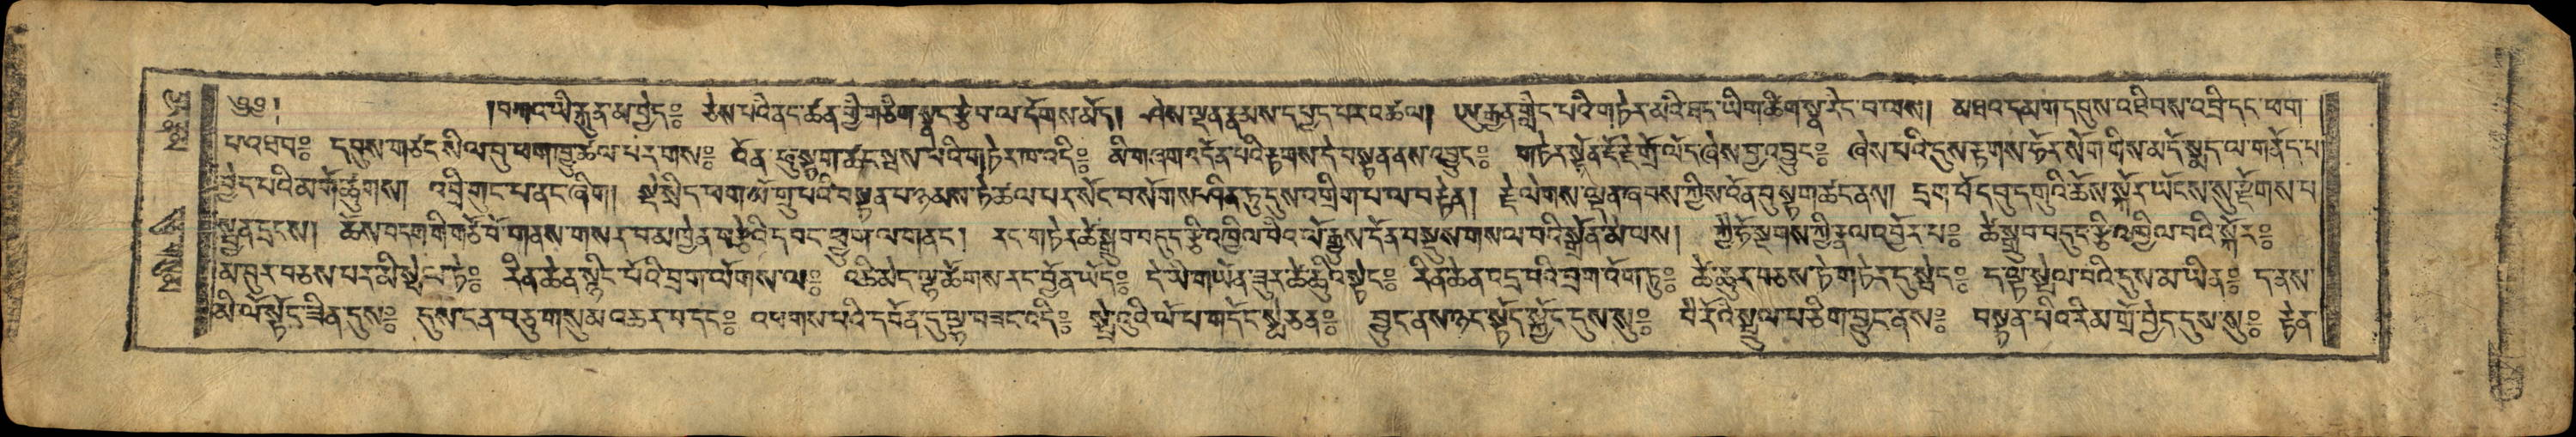༄༅། །བཀའ་ཡི་རྐུན་མ་བྱེདཿ་ཅེས་པའི་ནང་ཚན་གྱི་གཅིག་སྣང་རྩེ་བ་ལ་དོགས་མོད། ཤེས་ལྡན་རྣམས་དཔྱད་པར་འཚལ། ཨུ་རྒྱན་གླིང་པའི་གཏེར་མའི་ཐང་ཡིག་ཚིག་སྣ་རིང་བ་ལས། མཐའ་དམག་དབུས་འཐིབས་འབྲི་དང་ཕག་
པ་འཐབཿ་དབུས་གཙང་སིལ་བུ་ཕག་ཁྱུ་ཚལ་པར་གསཿ་འོན་ཕུ་སྟག་ཚང་སྦས་པའི་གཏེར་ཁ་འདིཿ་མི་གཞག་འདོན་པའི་རྟགས་དེ་བསྟན་ནས་འབྱུངཿ་གཏེར་སྟོན་རྡོ་རྗེ་གྲོ་ལོད་ཞེས་བྱ་འབྱུངཿ་ཞེས་པའི་དུས་རྟགས་ཧོར་སོག་གིས་མདོ་སྨད་ལ་གནོད་པ་
བྱེད་པའི་མགོ་ཚུགས། འབྲི་གུང་པ་ནང་ཞིག། སྡེ་སྲིད་ཕག་མོ་གྲུ་པའི་བསྟན་པ་ཉམས་ཏེ་ཚལ་པར་སོང་བ་སོགས་ཤིན་ཏུ་དུས་འགྲིག་པ་ལ་བརྟེན། རྗེ་ལེགས་ལྡན་ཞབས་ཀྱིས་འོན་བུ་སྟག་ཚང་ནས། དྲག་པོ་དབུ་དགུའི་ཆོས་སྐོར་ཡོངས་སུ་རྫོགས་པ་
སྤྱན་དྲངས། ཆོས་བདག་གི་གཙོ་བོ་གནས་གསར་བ་མཁྱེན་བརྩེའི་དབང་ཕྱུག་ལ་གནང་། རང་གཏེར་ཚེ་སྒྲུབ་བདུད་རྩི་འཁྱིལ་བའི་ལོ་རྒྱུས་དོན་བསྡུས་གསལ་བའི་སྒྲོན་མེ་ལས། ཀྱཻ་ཧོ་སྔགས་ཀྱི་རྣལ་འབྱོར་པཿ་ཚེ་སྒྲུབ་བདུད་རྩི་འཁྱིལ་བའི་སྐོརཿ
མ་བུར་བཅས་པར་མི་སྤེལ་ཏེཿ་རིན་ཆེན་སྙིང་པོའི་བྲག་ལོགས་ལཿ་འཆི་མེད་ལྷ་ཚོགས་རང་བྱོན་ཡོདཿ་དེ་ཡི་གཡོན་ཟུར་ཚེ་ཆུའི་སྟེངཿ་རིན་ཆེན་འདྲ་བའི་བྲག་འོག་ཏུཿ་ཚེ་ཆུར་བཅས་ཏེ་གཏེར་དུ་སྦེདཿ་ད་ལྟ་སྤེལ་བའི་དུས་མ་ཡིནཿ་ད་ནས་
མི་ལོ་སྟོང་ཟིན་དུསཿ་དུས་ངན་བཅུ་གསུམ་འཆར་བ་དངཿ་འཕགས་པའི་དབོན་དུ་ལྷ་བཟང་འདིཿ་སྤྲེའུའི་ལོ་པ་གདོང་སྨེ་ཅནཿ་བྱུང་ནས་ཉང་སྟོད་སྐྱོང་དུས་སུཿ་བཻ་རོའི་སྤྲུལ་པ་ཅིག་བྱུང་ནསཿ་བསྟན་པའི་རིམ་གྲོ་བྱེད་དུས་སུཿ་རྟེན་